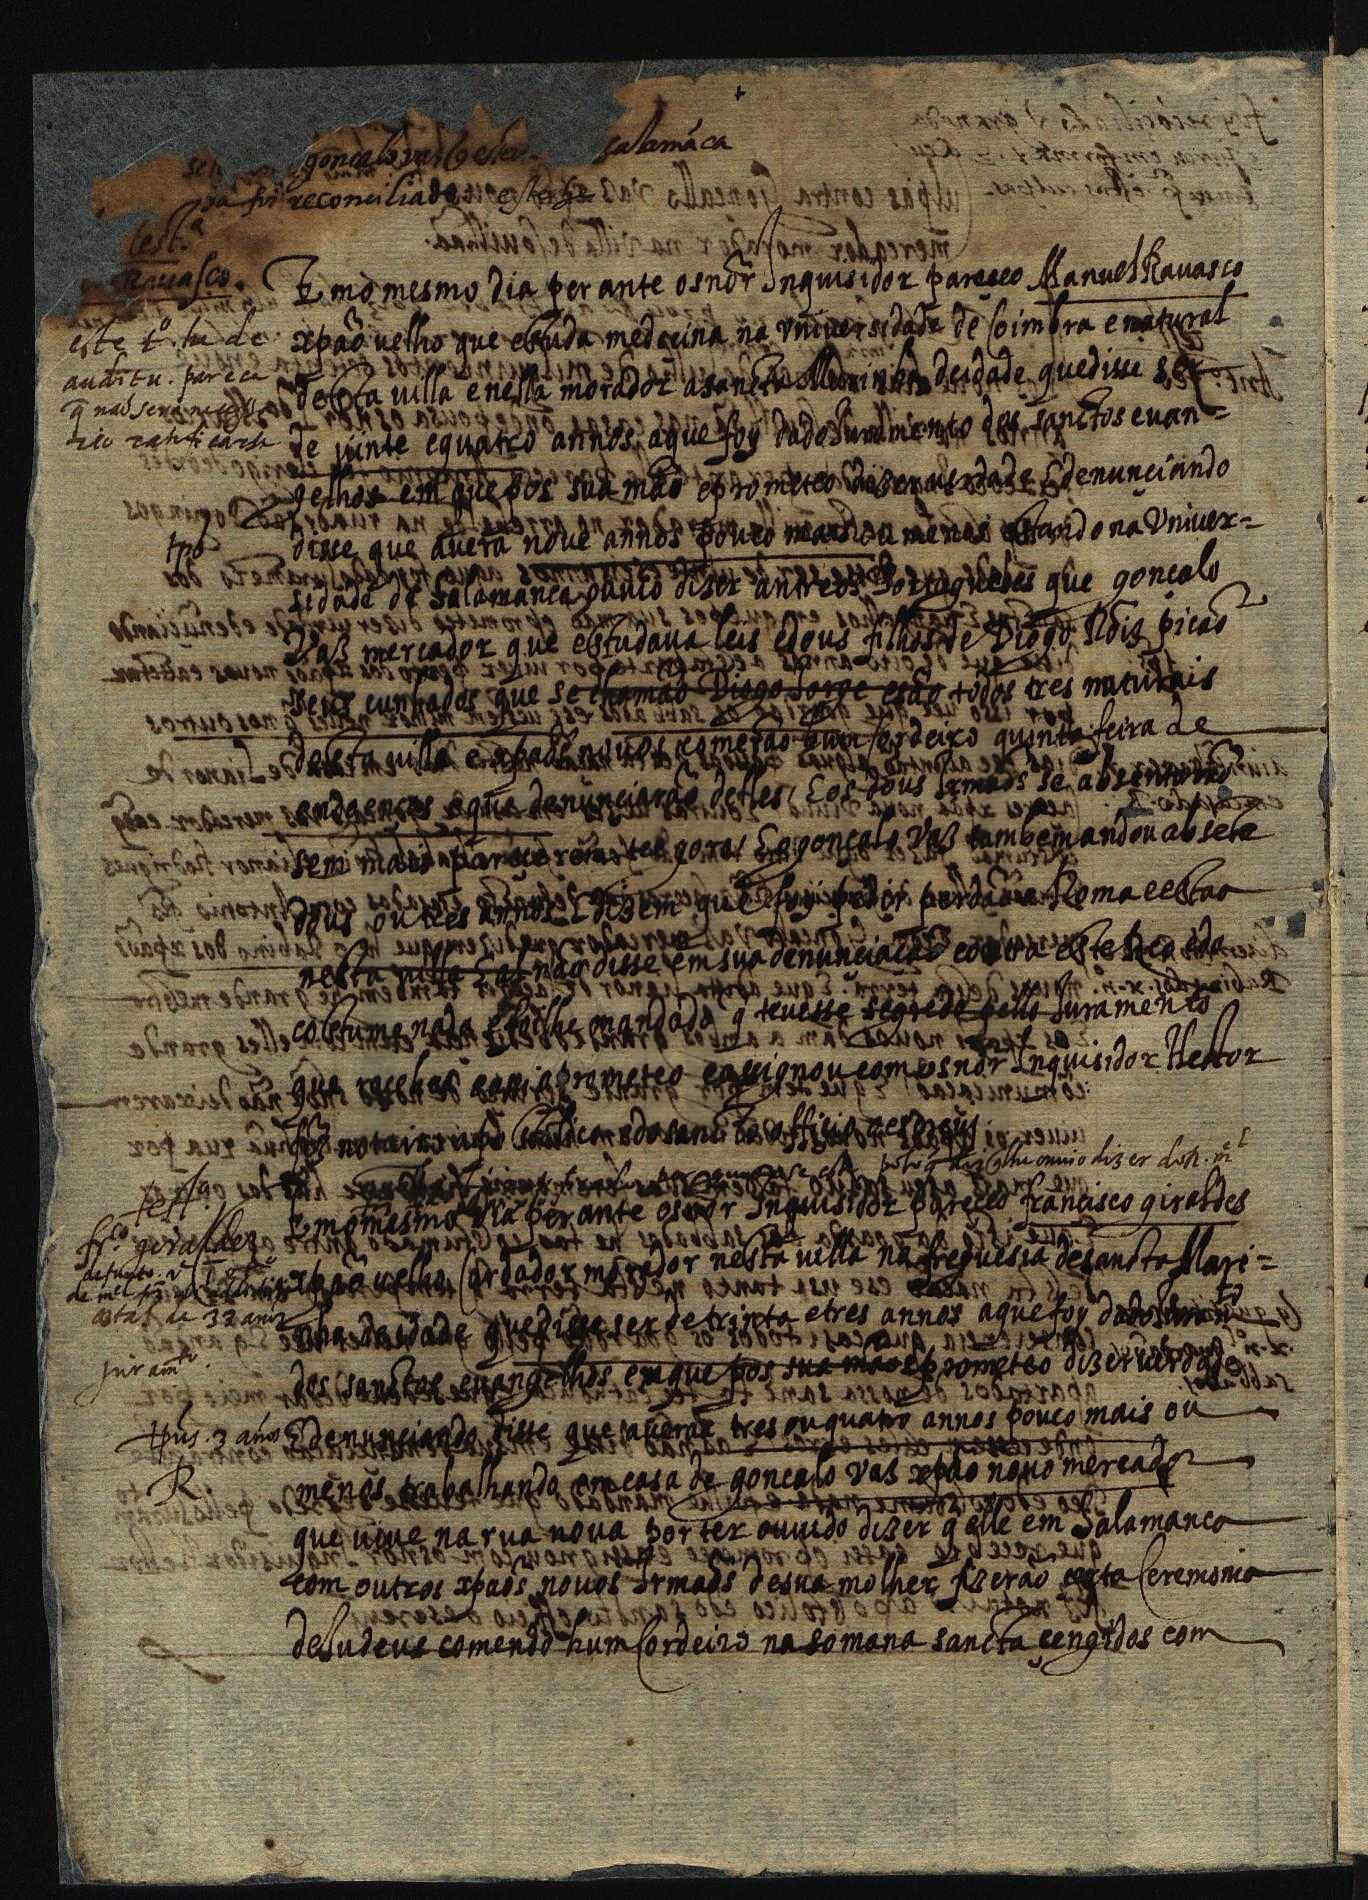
gonçalo vas q̄ estev _ salamāca
ja foi reconciliado. este he
test.a
Rauasco.
Em o mesmo dia perante o snōr Inquisidor pareceo Manuel Rauasco
xpaõ uelho que estuda medecina na Vniuersidade de Coimbra e natural
este to. he de
auditu. parece
q̄ naõ sera necessa
rio ratificarse
desta uilla e nella morador a sancta Marinha de idade que disse ser
de uinte e quatro annos a que foy dado Iuramento dos sanctos euan
gelhos em que pos sua mão e prometeo dizer uerdade E denunciando
disse que auera noue annos pouco mais ou menos estando na Vniuer
tpo
sidade de Salamanca ouuio dizer antre os Portugueses que gonçalo
Vaz mercador que estudaua leis e dous filhos de Diogo Roīz picaõ
seus cunhados que se chamão Diogo Iorge e são todos tres naturais
desta uilla e xpaõs nouo comerão hum Cordeiro quinta feira de
endoenças e que denunçiarão delles / E os dous Irmaõs se absentaraõ
sem mais parecerem tee gora / E o gonçalo Vaz tambem andou absēte
dous ou tres annos E dizem que foy pedir perdaõ a Roma e estaa
nesta uilla E al não disse em sua denunciaçaõ contra este Reo e do
costume nada E foilhe mandado q̄ teuesse segredo pello Juramento
que recebeo e assi o prometeo e assignou com o snōr Inquisidor Hector
frz̄ notairo apostolico e do sancto officio o escreuj
untase este polo q̄ diz q̄ lhe ouuio dizer d R. mel
testa
frco. giraldez
defunto. v̄ j̄ o to
de mel frz̄ pelo dito
aetas de 33 anos
E no mesmo dia perante o snōr Inquisidor pareceo francisco giraldez
xpaõ uelho Cardador morador nesta uilla na freguesia de Sancta Mari
nha de idade que disse ser de trinta e tres annos a que foy dado Iuramto
juramto
dos sanctos euangelhos em que pos sua mão e prometeo dizer uerdade
tpūs. 3 an̄os
E denunciando disse que auera tres ou quatro annos pouco mais ou
menos trabalhando em casa de gonçalo vaz xpão nouo mercador
R.
que uiue na rua noua por ter ouuido dizer q̄ elle em Salamanca
com outros xpãos nouos Irmaõs de sua molher fizerão certa Ceremonia
de Iudeus comendo hum Cordeiro na somana sancta cengidos com
